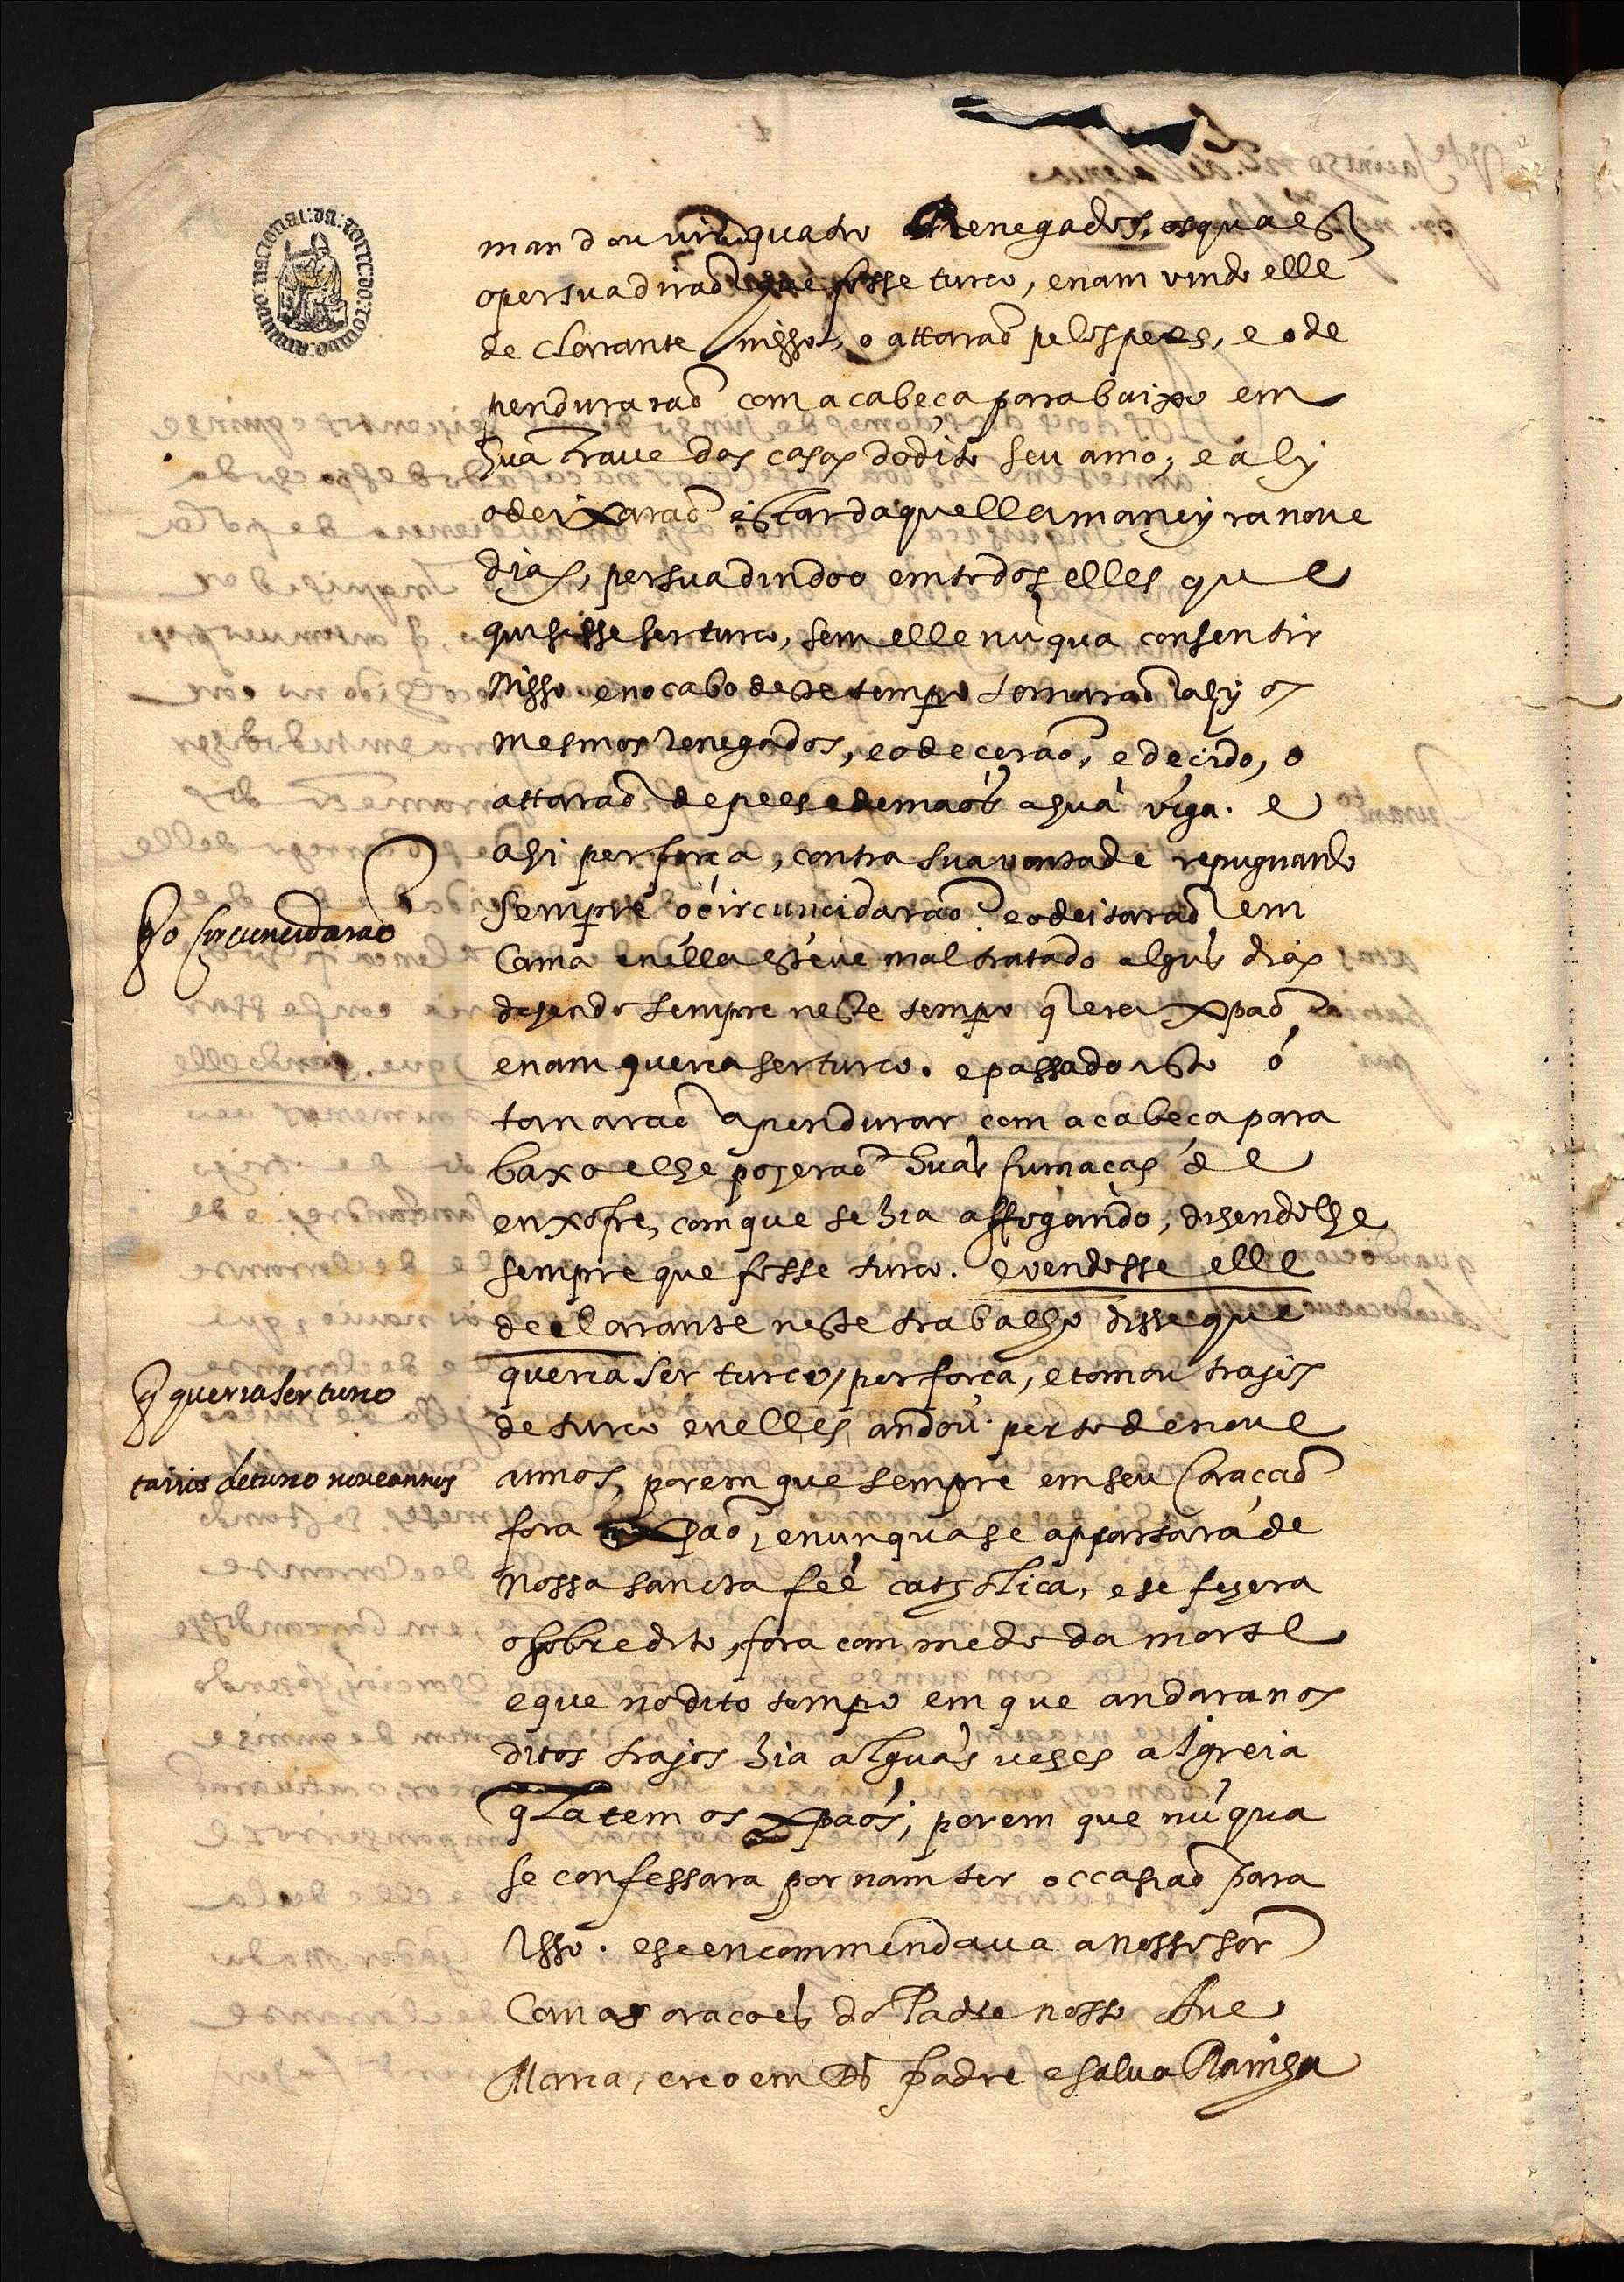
mandou uir quatro Renegados, os quaes
o persuadiraõ que fosse turco, e nam vindo elle
declarante nisso, o attaraõ pelos pees, e o de
penduraraõ com a cabeça para baixo em
huā traue das casas do dito seu amo; e aly
o deixaraõ estar daquella maneyra noue
dias, persuadindoo em todos elles que
quisesse ser turco, sem elle nūqua consentir
nisso e no cabo deste tempo tornaraõ ahy os
mesmos renegados, e o deceraõ, e decido, o
attaraõ de pees e de maõs a huā viga. E
ahi per força, contra sua vontade repugnando
sempre o circuncidaraõ e o deitaraõ em
q̄ o Circuncidaraõ
cama e nella esteue maltratado algūs dias
dezendo sempre neste tempo q̄ era xpaõ,
e nam queria ser turco. e passado isto o
tornaraõ a pendurar com a cabeça para
baxo e lhe pozeraõ huās fumaças de
enxofre, com que se hia affogando, dizendolhe
sempre que fosse turco. e vendosse elle
declarante neste trabalho disse que
queria ser turco / per força, e tomou trajes
q̄ queria ser turco
de turco e nelles andou perto de noue
taiios de turco noue annos
annos, porem que sempre em seu Coraçaõ
fora Xpaõ, e nunqua se appartara de
nossa sancta feé catholica, e se fizera
o sobredito, fora com medo da morte
e que no dito tempo em que andara nos
ditos trajos hia alguãs uezes a Igreia
q̄ La tem os Xpaõs; porem que nūqua
se confessara por nam ser occasiaõ para
isso. e se encommendaua a nosso sōr
com as oraçoẽs do Padre nosso Aue
Maria, creo em Ds̄ padre e Salua Rainha
